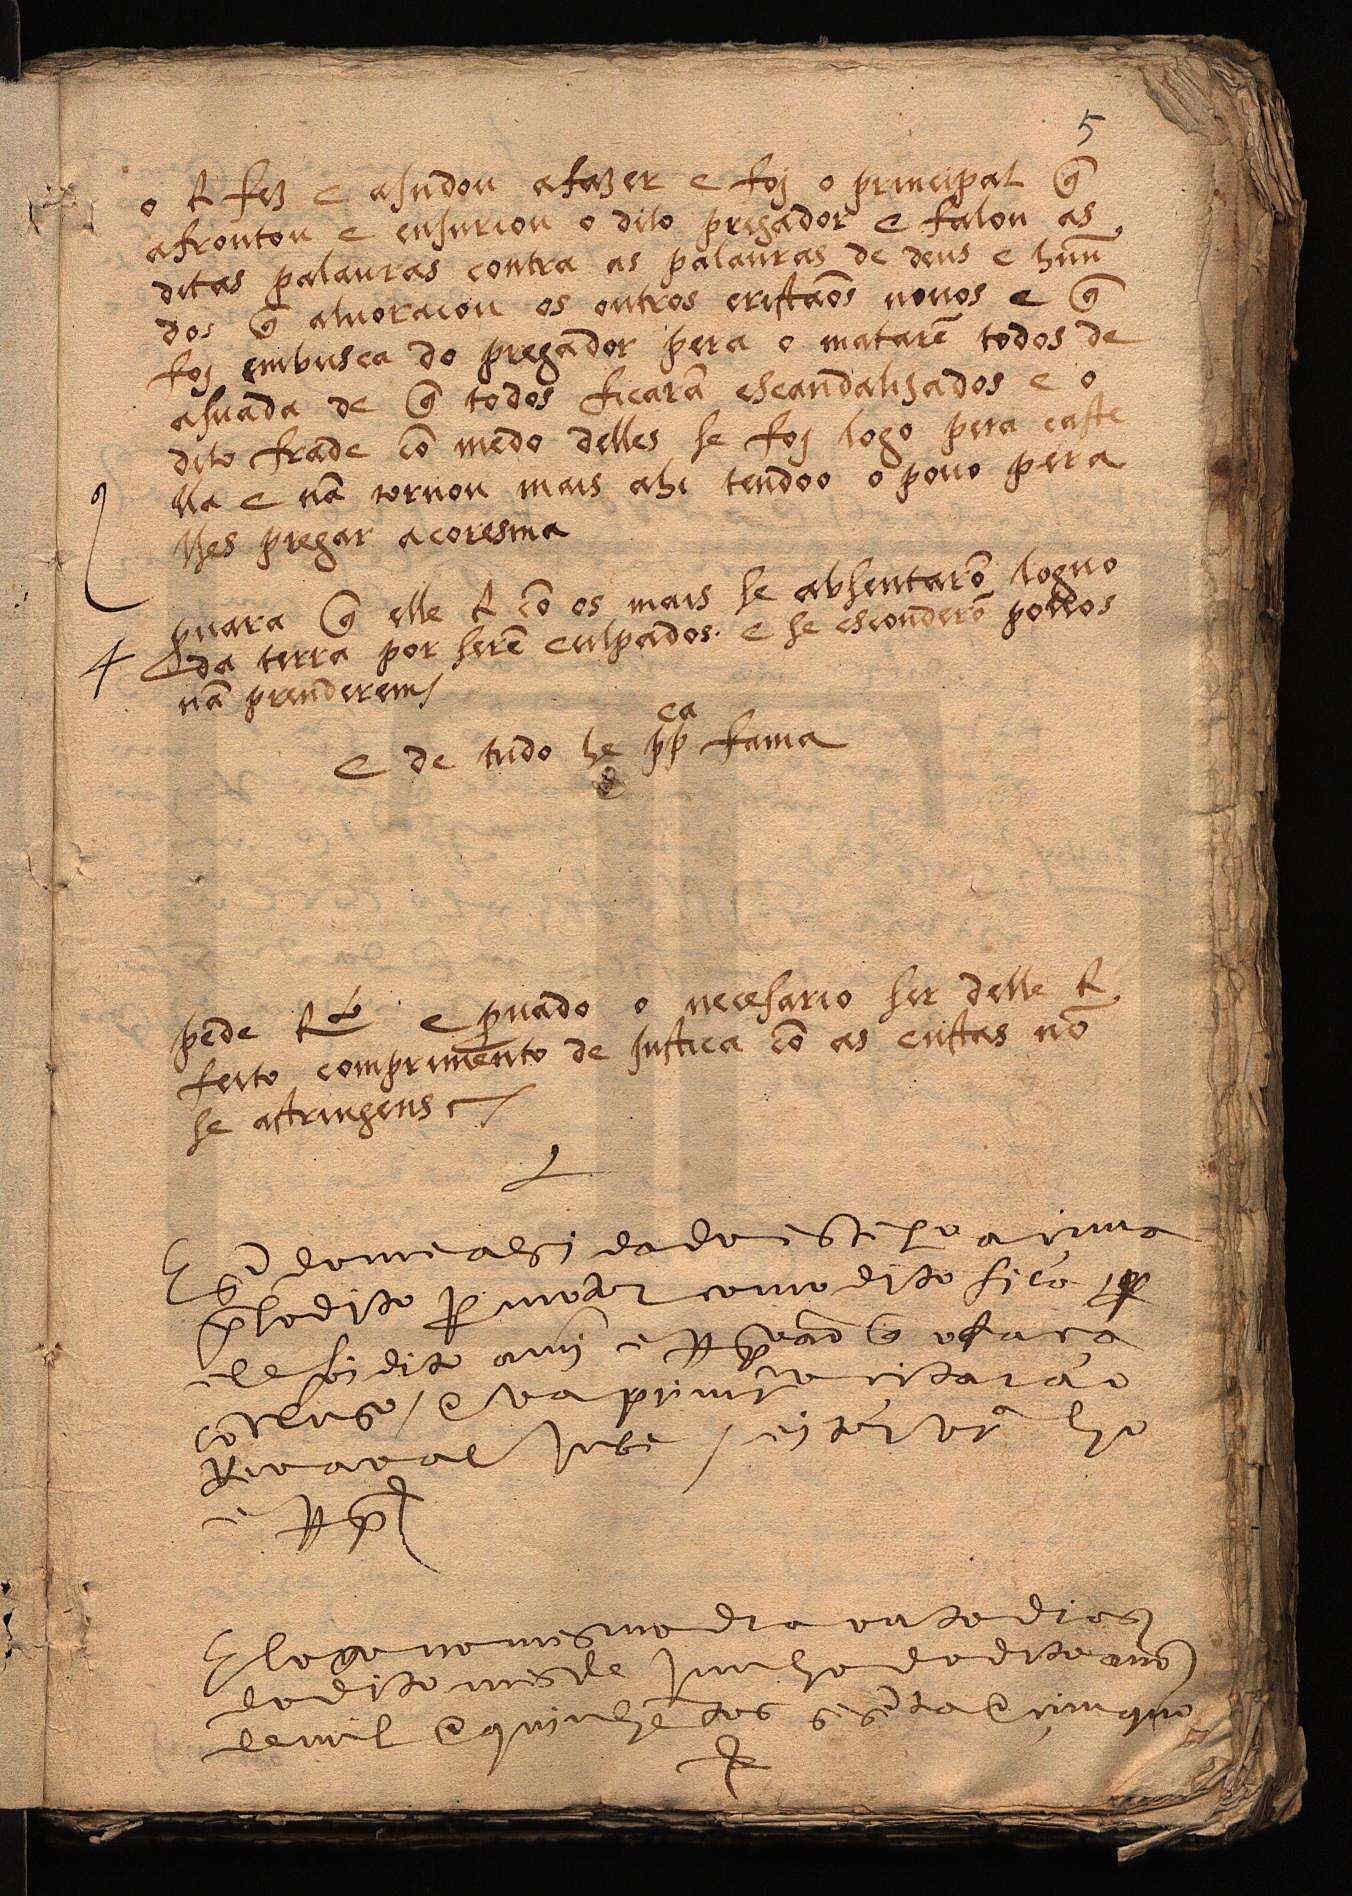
o R fez e aJudou a fazer e foj o principal q̄
afrontou e enJuriou o dito pregador e falou as
ditas palauras contra as palauras de deus e hu̅u
dos q̄ aluoracou os outros cristãos nouos e q̄
foj em busca do pregador pera o matarē todos de
asuada de q̄ todos ficarā escandalizados e o
dito frade cō medo delles se foj logo pera caste
lla e nā tornou mais ahi tendoo o pouo pera
lhes pregar a coresma
4
ꝓuara q̄ elle R cō os mais se absentarō loguo
da terra por serē culpados. e se esconderō pollos
nā prenderem /
e de tudo he ppca fama
pede Rto e ꝓuado o necesario ser delle R
feito comprimento de Justica c̄o as custas nō
se actringens cꝭ
E sēdome ahj dado este Lo açima
p̄lo djto ꝓmotor como djto fica / ꝑ
ele foj dito a mj̄ estp̄vão q̄ o faça
cōcluso / e va primro çitar ao
Reo ao alJube / ejtor vra ho
estp̄j
E logo no mesmo dia outo dias
do dito mes de Junho do dito anō
de mil e qujnhētos sesēta e çimquo
